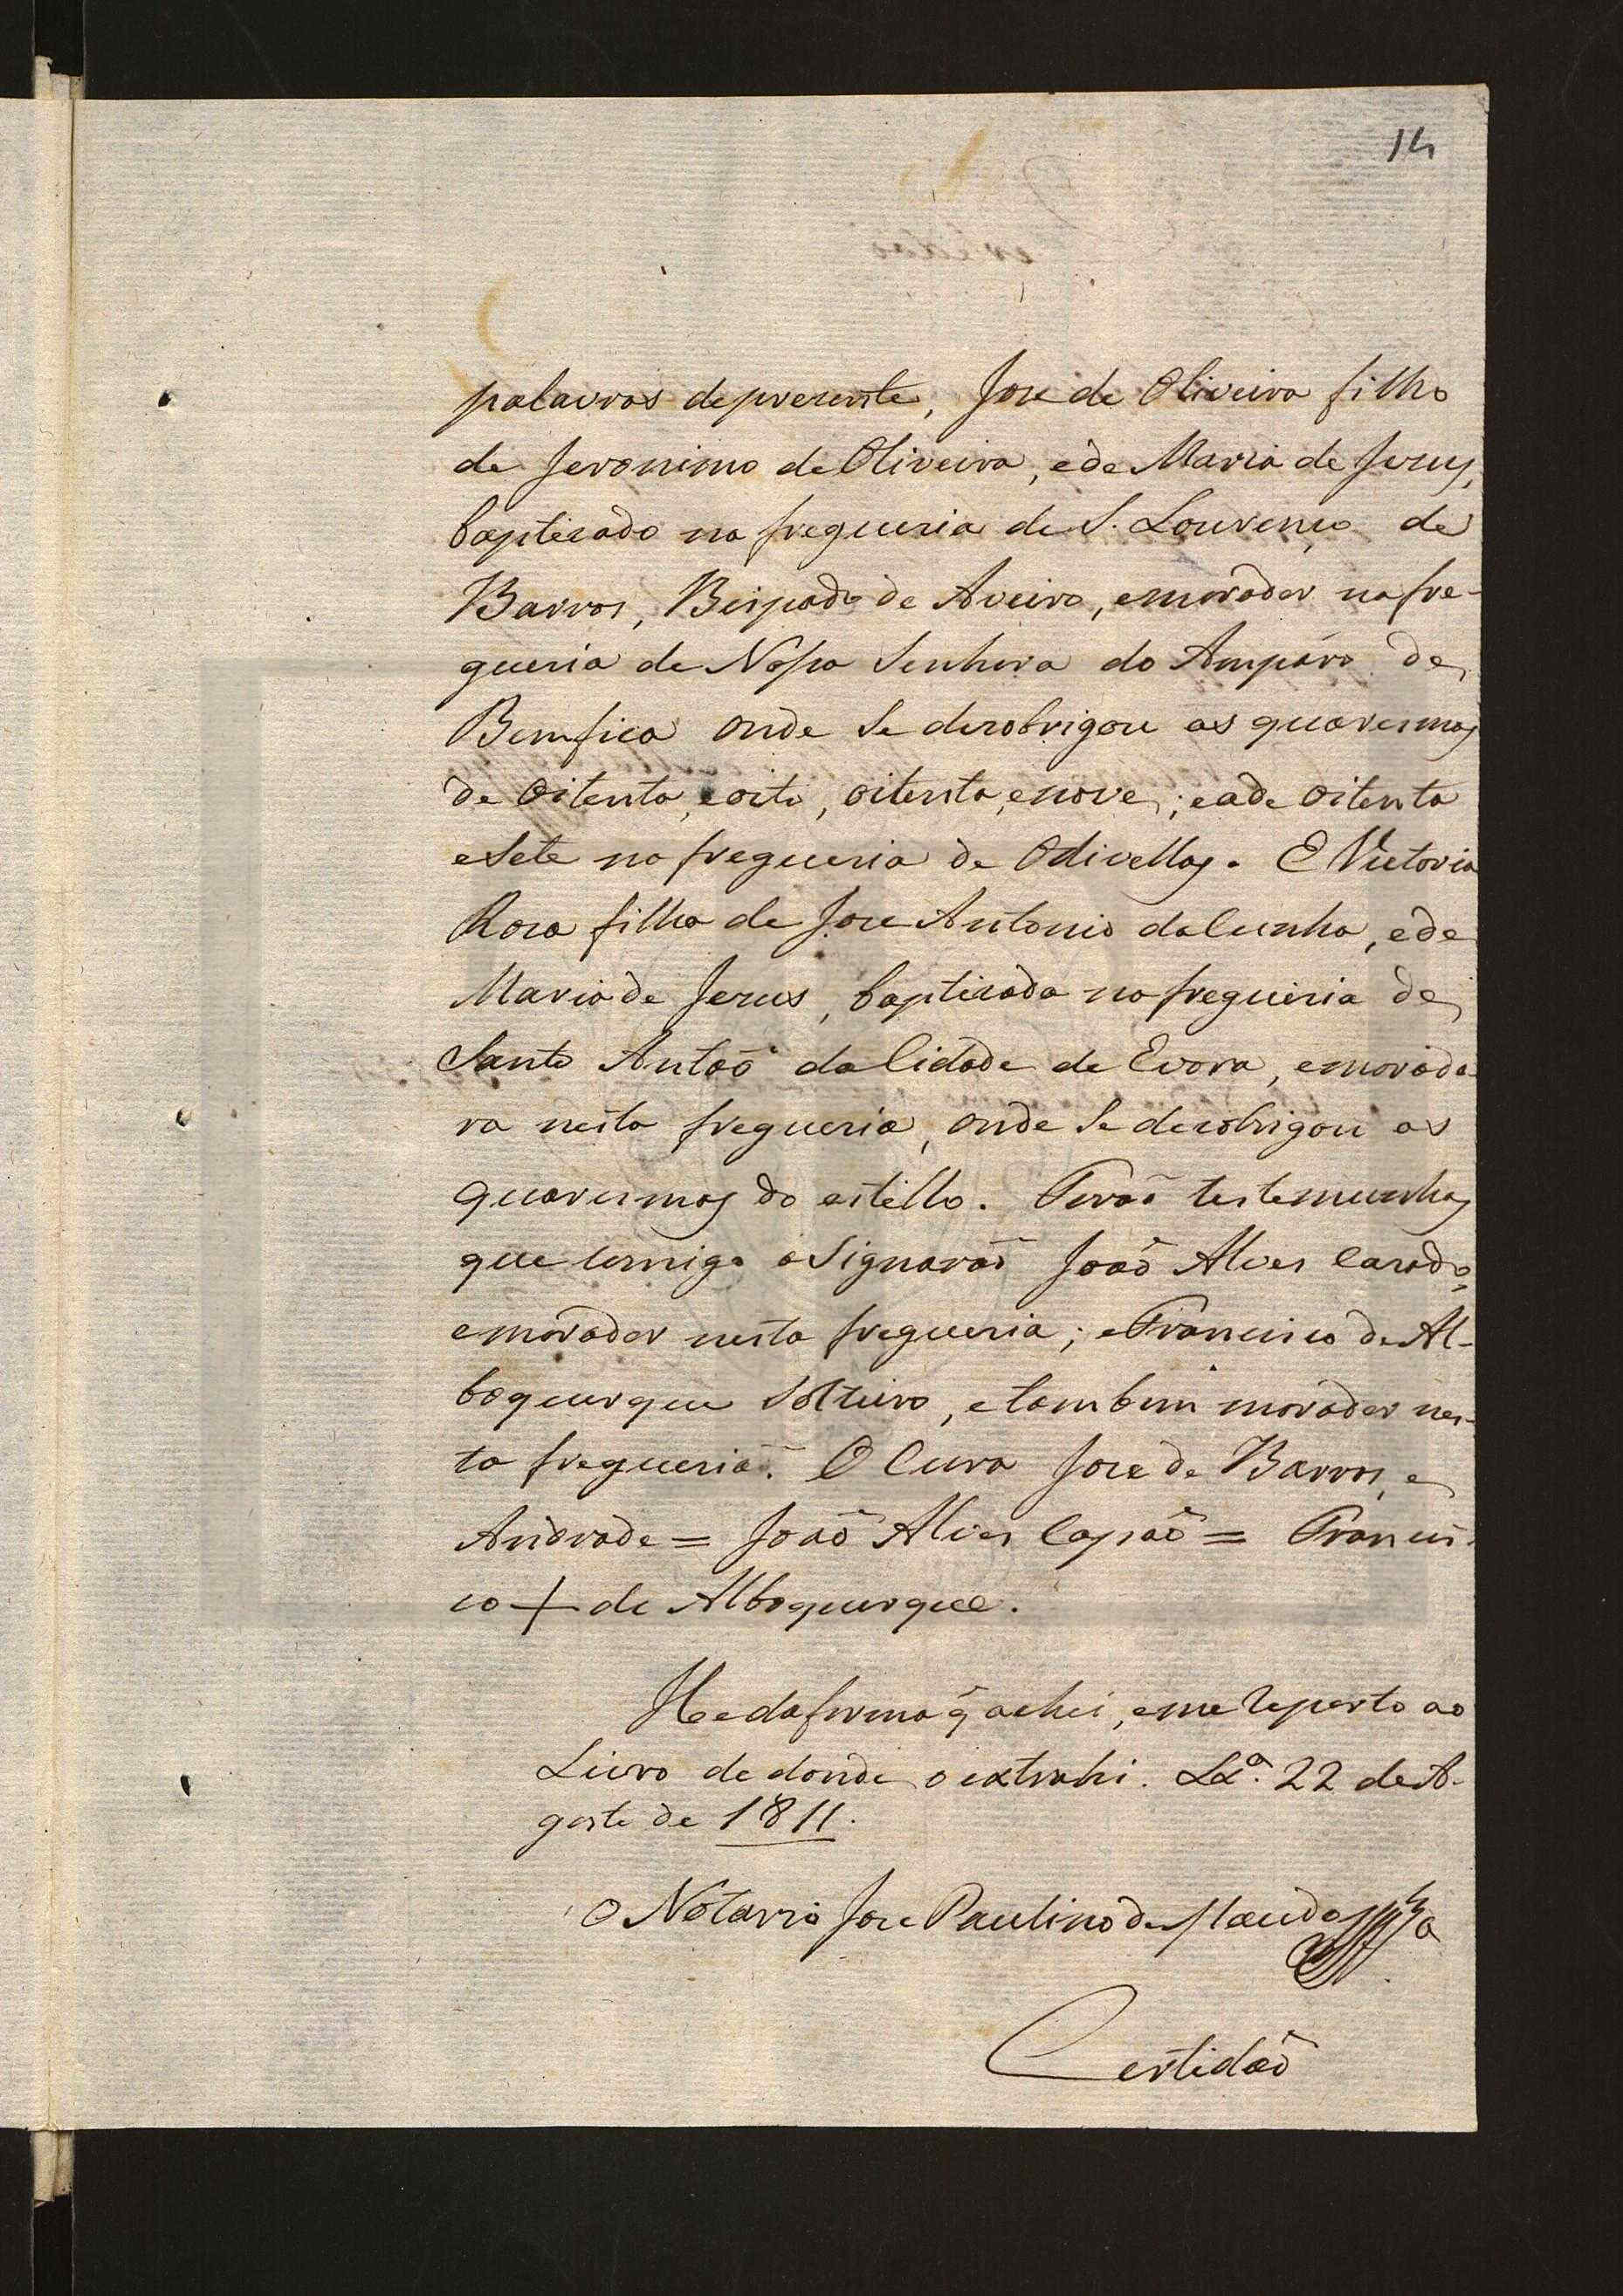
palavras de prezente, Joze de Oliveira filho
de Jeronimo de Oliveira, e de Maria de Jezus,
baptizado na freguezia de S. Lourenço de
Barros, Bispado de Aveiro, e morador na fre
guezia de Nossa Senhora do Ampáro de
Bemfica onde se dezobrigou as quaresmas
de oitenta, e oito, oitenta, e nove; e a de oitenta
e sete na freguezia de Odivellas. E Victoria
Roza filha de Joze Antonio da Cunha, e de
Maria de Jezus, baptizada na freguezia de
Santo Antaõ da Cidade de Evora, e morado
ra nesta freguezia, onde se dezobrigou as
quaresmas do estillo. Foraõ testemunhas
que comigo asignaraõ Joaõ Alves cazado,
e morador nesta freguezia; e Francisco de Al
boquerque solteiro, e tambem morador nes
ta freguezia. O Cura Joze de Barros, e
Andrade = Joaõ Alves Cassaõ = Francis
co + de Alboquerque.
He da forma q̄ achei, e me Reporto ao
Livro de donde o extrahi. Lx.a 22 de A
gosto de 1811.
o Notario Joze Paulino de Macedo
Certidaõ
